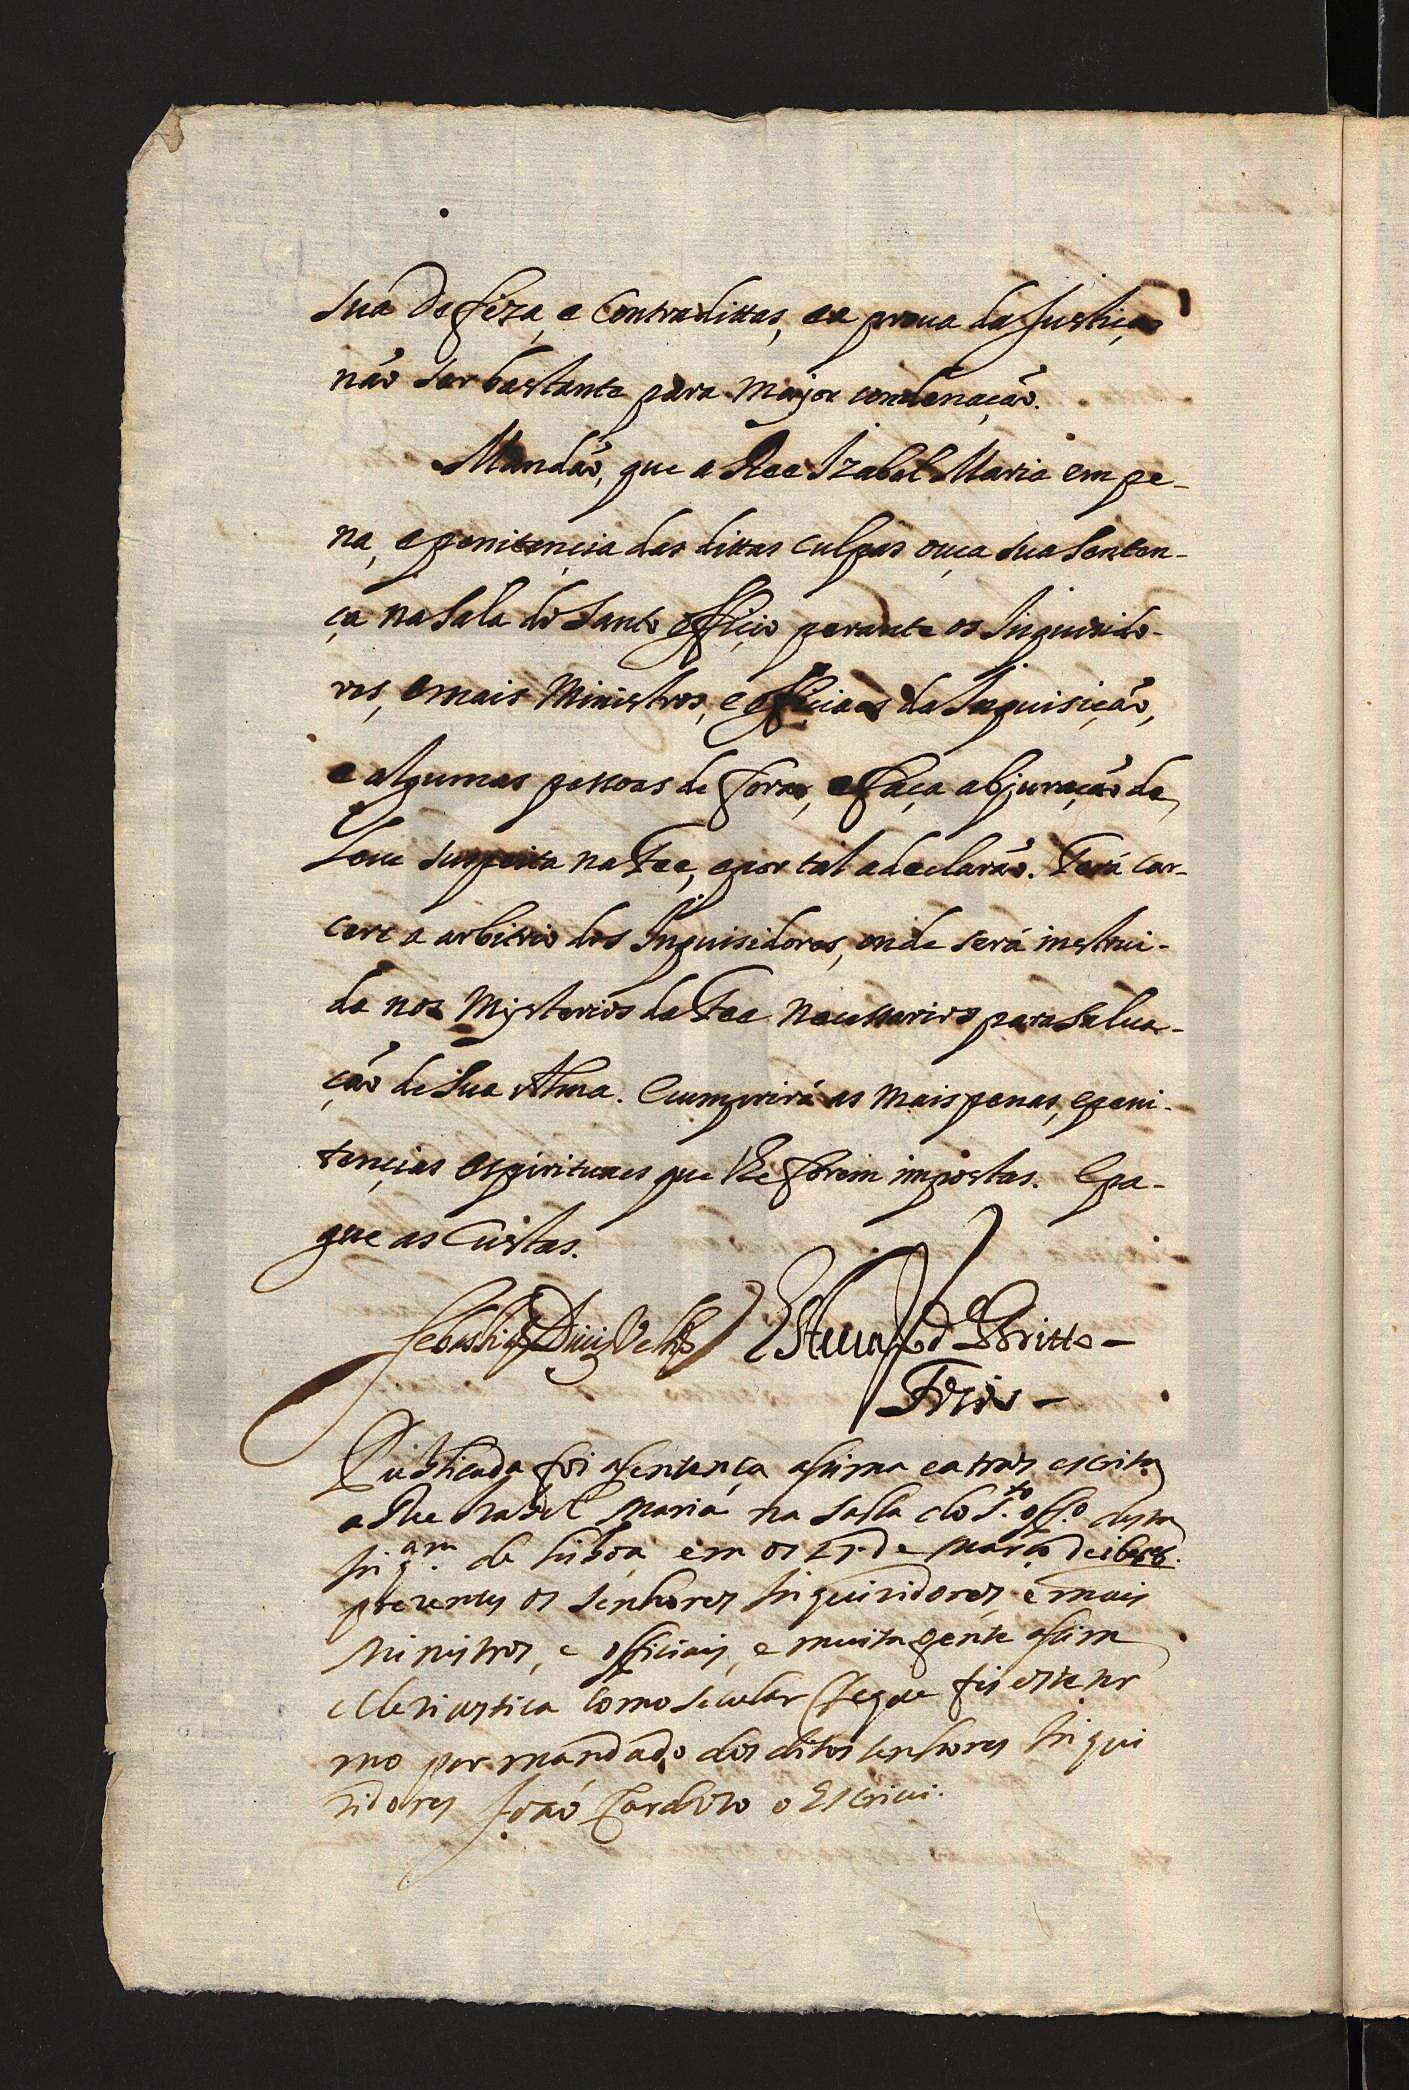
sua defeza, e Contradittas, e a proua da Justiça
naõ ser bastante para mayor condenaçaõ.
Mandaõ, que a Ree Izabel Maria em pe
na, e penitençia das dittas culpas ouça sua senten
ça na Sala do Santo offiçio perante os Inquisido
res, e mais Ministros, e officiaes da Inquisiçaõ,
e algumas pessoas de fora, e faça abjuraçaõ de
Leue suspeita na Fee, e por tal a declaraõ. Terá car
cere a arbitrio dos Inquisidores, onde será instrui
da nos Mysterios da Fee necessarios para salua
çaõ de Sua Alma. E cumprirá as mais penas, e peni
tençias espirituaes que lhe forem impostas. E pa
gue as Custas.
Publicada foi a sentença assima e atras escrita
a Ree Izabel maria na salla do s.to off.o desta
Jnqam. de Lisboa, em os 17. de março de i688.
prezentes os senhores Inquizidores, e mais
ministros, e officiais, e muita gente assim
ecleziastica como secular De que fis este ter
mo por mandado dos ditos senhores Inqui
zidores Joaõ Cardozo o Escriui.
